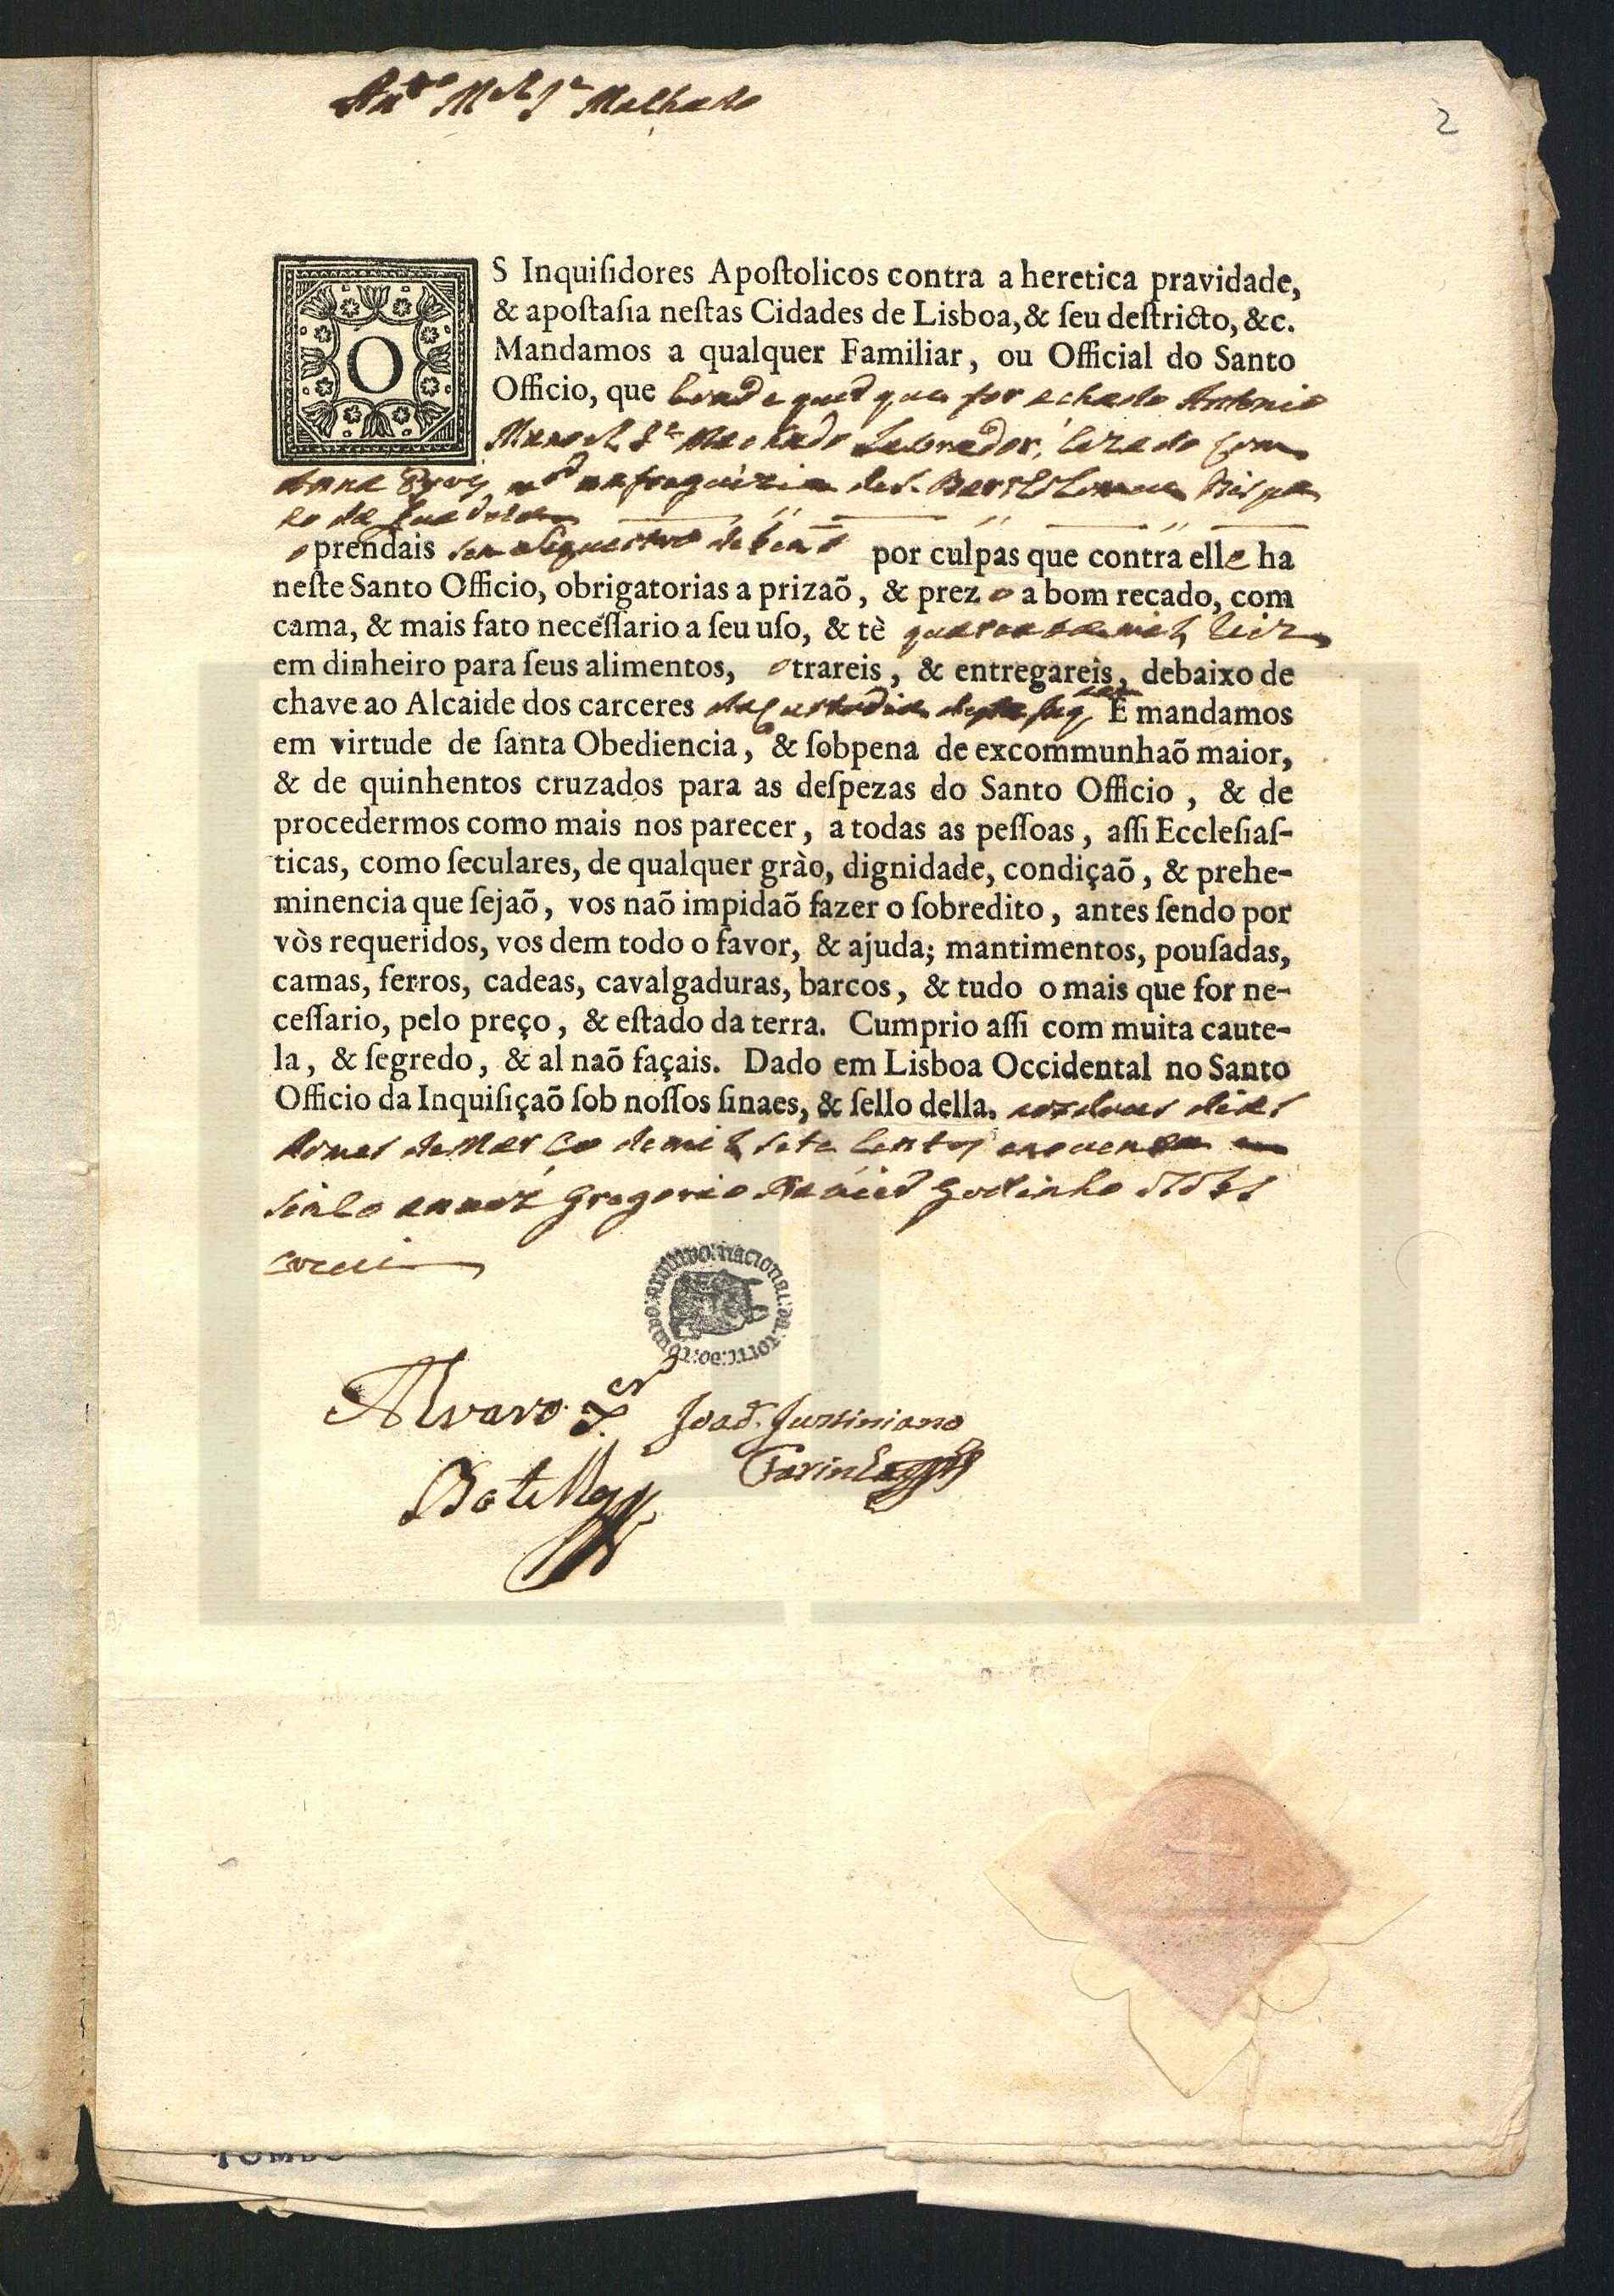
An.to M.el I.e MaChado
S Inquisidores Apostolicos contra a heretica pravidade,
& apostasia nestas Cidades de Lisboa, & seu destricto, &c.
Mandamos a qualquer Familiar, ou Official do Santo
Officio, que honde quer que for achado Antonio
Manoel I.e Machado Lavrador, Cazado Com
Anna Pyres m.or na freguizia de S. Bartholomeu Bispa
do da Guarda
o prendais, sem sequestro de bens por culpas que conta elle ha
neste Santo Officio, obrigatorias a prizao, & prezo a bom recado, com
cama, & mais fato necessario a seu uso, & tè quarenta mil Reiz
em dinheiro para seus alimentos, o trareis, & entregareis, debaixo de
chave ao Alcaide dos carceres da Custodia desta Inq.cam E mandamos
em virtude de santa Obediencia, & sobpena de excommunhaõ maior,
& de quinhentos cruzados para as despezas do Santo Officio, & de
procedermos como mais nos parecer, a todas as pessoas, assi Ecclesias
ticas, como seculares, de qualquer grào, dignidade, condiçaõ, & prehe
minencia que sejaõ, vos naõ impidaõ fazer o sobredito, antes sendo por
vòs requeridos, vos dem todo o favor, & ajuda; mantimentos, pousadas,
camas, ferros, cadeas, cavalgaduras, barcos, & tudo o mais que for ne
cessario, pelo preço, & estado da terra. Cumprio assi com muita caute
la, & segredo, & al naõ façais. Dado em Lisboa Occidental no Santo
Officio da Inquisiçaõ sob nossos sinaes, & sello della, aos doues dias
do mes de Março de mil seteCentos e noventa e
sinco annoz Gregorio Xavier Godinho o sobs
creui
Alvaro x.er
Joaõ Justiniano
Farinha
Botelho
